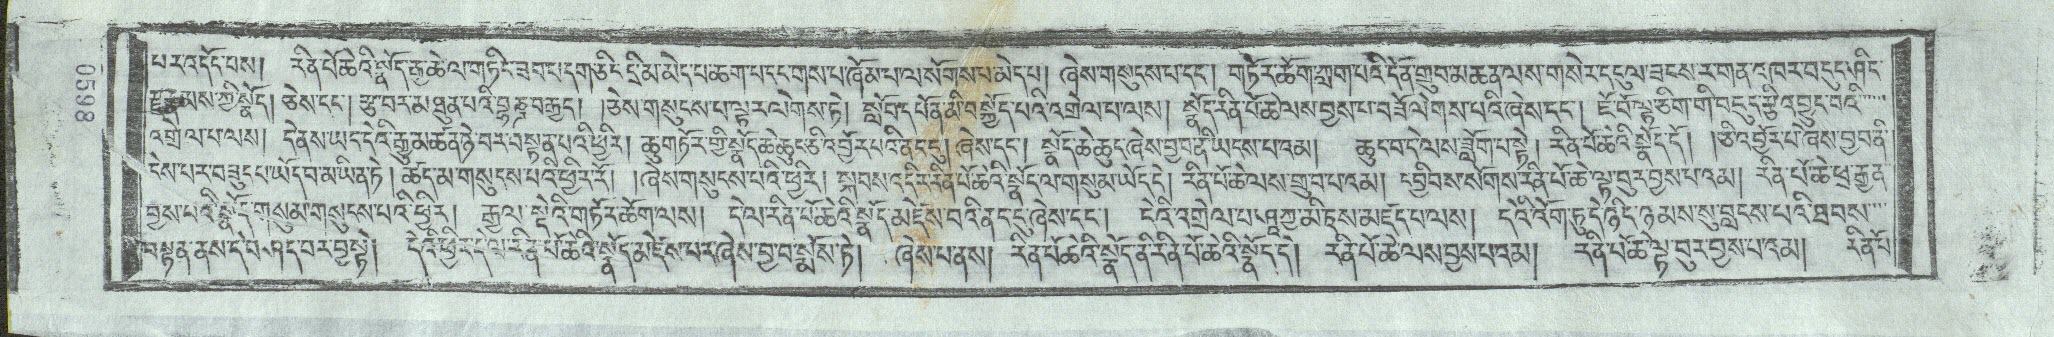པར་འདོད་པས། རིན་པོ་ཆེའི་སྣོད་རྒྱ་ཆེ་ལ་གཏིང་ཟབ་པ་དག་ཅིང་དྲི་མ་མེད་པ་ཆག་པ་དང་གས་པ་ཞོམ་པ་ལ་སོགས་པ་མེད་པ། ཞེས་གསུངས་པ་དང་། གཏོར་ཆོག་ཀླག་པའི་དོན་གྲུབ་མཆན་ལས་གསེར་དངུལ་ཟངས་རག་ན་འཁར་བདུང་ཤིང་
རྫ་རྣམས་ཀྱི་སྣོད། ཅེས་དང་། རྩ་བར་མཐུན་པའི་བྷཎྜ་བརྒྱད། །ཅེས་གསུངས་པ་ལྟར་ལེགས་ཏེ། སློབ་དཔོན་མི་བསྐྱོད་པའི་འགྲེལ་པ་ལས། སྣོད་རིན་པོ་ཆེ་ལས་བྱས་པ་བཟོ་ལེགས་པའི་ཞེས་དང་། ཇོ་བོ་ལྟ་ཅིག་གི་བདུད་རྩི་འབྱུང་བའི་
འགྲེལ་པ་ལས། དེ་ནས་ཡང་དེའི་རྒྱུ་མཚན་ཉེ་བར་བསྟན་པའི་ཕྱིར། ཆུ་གཏོར་གྱི་སྣོད་ཆེ་ཆུང་ཅི་འབྱོར་པའི་ནང་དུ། ཞེས་དང་། སྣོད་ཆེ་ཆུང་ཞེས་བྱ་བ་ནི་ཡངས་པ་འམ། ཆུང་བ་དེ་ལས་ཟློག་པ་སྟེ། རིན་པོ་ཆེའི་སྣོད་དོ། །ཅི་འབྱོར་པ་ཞེས་བྱ་བ་ནི་
ངེས་པར་བཟུང་པ་ཡོད་བ་མ་ཡིན་ཏེ། ཚད་མ་གསུངས་པའི་ཕྱིར་རོ། །ཞེས་གསུངས་པའི་ཕྱིར། སྐབས་འདིར་རིན་པོ་ཆེའི་སྣོད་ལ་གསུམ་ཡོད་དེ། རིན་པོ་ཆེ་ལས་གྲུབ་པ་འམ། དབྱིབས་སོགས་རིན་པོ་ཆེ་ལྟ་བུར་བྱས་པ་འམ། རིན་པོ་ཆེ་ཕྲ་རྒྱན་
བྱས་པའི་སྣོད་གསུམ་གསུངས་པའི་ཕྱིར། རྒྱལ་སྡེའི་གཏོར་ཆོག་ལས། དེ་ལ་རིན་པོ་ཆེའི་སྣོད་མཛེས་བའི་ནང་དུ་ཞེས་དང་། དེའི་འགྲེལ་པ་ཤཱཀྱ་མི་ཏྲས་མཛད་བ་ལས། དེའི་འོག་ཏུ་དེ་ཉིད་ཉམས་སུ་བླངས་པའི་ཐབས་
བསྟན་ནས་དེ་བཤད་པར་བྱ་སྟེ། དེའི་ཕྱིར་དེ་ལ་རིན་པོ་ཆེའི་སྣོད་མཛེས་པར་ཞེས་བྱ་བ་སྨོས་ཏེ། ཞེས་པ་ནས། རིན་པོ་ཆེའི་སྣོད་ནི་རིན་པོ་ཆེའི་སྣོད་དེ། རིན་པོ་ཆེ་ལས་བྱས་པའམ། རིན་པོ་ཆེ་ལྟ་བུར་བྱས་པའམ། རིན་པོ་